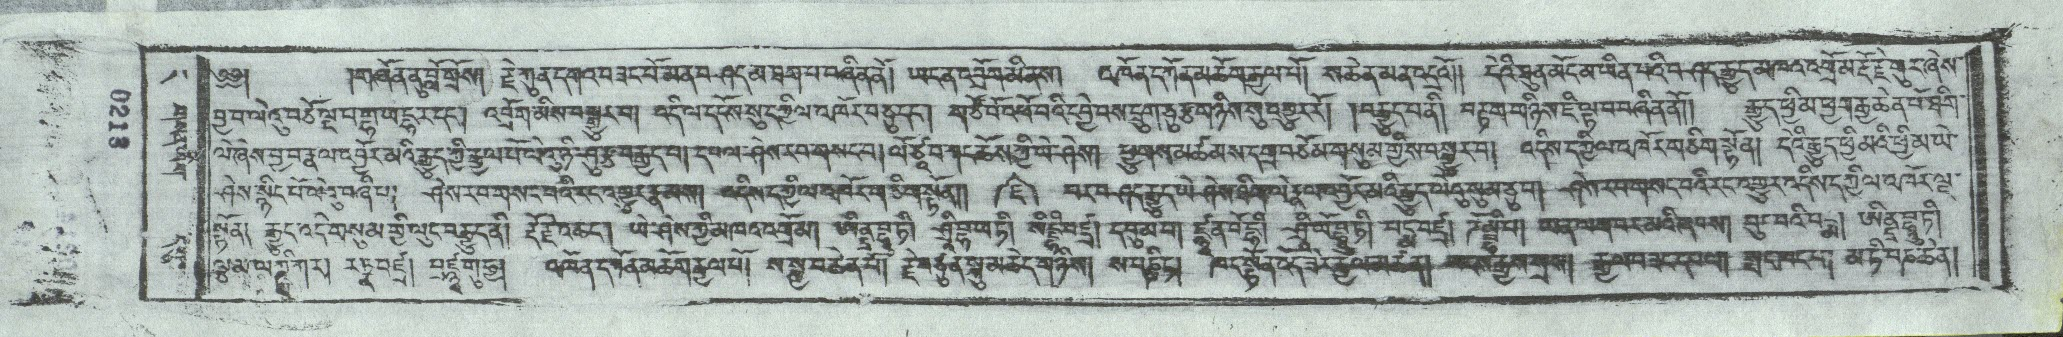༄༅། །གཞོན་ནུ་བློ་གྲོས། རྗེ་ཀུན་དགའ་བཟང་པོ་བཤད་ཐག་པ་བཞིན་ནོ། ཡང་ན་འབྲོག་མི་ནས། འཁོན་དཀོན་མཆོག་རྒྱལ་པོ། ས་ཆེན་མན་འདྲའོ།། དེའི་ཐུན་མོང་མ་ཡིན་པའི་བཤད་རྒྱུད་མཁའ་འགྲོ་མ་རྡོ་རྗེ་གུར་ཞེས་
བྱས་ལེའུ་བཅོ་ལྔ་པ་གྷ་ཡ་དྷ་ར་དང་། འབྲོག་མིས་བསྒྱུར་བ། འདི་ལ་དངོས་སུ་དཀྱིལ་འཁོར་བཅུ་དང་། གཙོ་བོ་འཕོ་བའི་དབྱེ་བས་དྲུག་ཅུ་རྩ་གཉིས་སུ་འགྱུར་རོ། །བརྒྱུད་པ་ནི། བརྟག་གཉིས་ཇི་ལྟ་བ་བཞིན་ནོ།། རྒྱུད་ཕྱི་མ་ཕྱག་རྒྱ་ཆེན་པོ་ཐིག་
ལེ་ཞེས་བྱ་བ་རྣལ་འབྱོར་མའི་རྒྱུད་ཀྱི་རྒྱལ་པོ་ལེའུ་ཉི་ཤུ་རྩ་བརྒྱད་བ། དཔལ་ཤེས་རབ་གསང་བ། ལོ་ཙཱ་བ་ཀད་ཆོས་ཀྱི་ཡེ་ཤེས། ཕྱུགས་མཚམས་དགྲ་བཅོམ་གསུམ་གྱིས་བསྒྱུར་བ། འདིས་དཀྱིལ་འཁོར་གཅིག་སྟོན། དེའི་རྒྱུད་ཕྱི་མའི་ཕྱི་མ་ཡེ་
ཤེས་སྙིང་པོ་ལེའུ་བཞི་པ། ཤེས་རབ་གསང་བའི་རང་འགྱུར་རྣམས། འདིས་དཀྱིལ་འཁོར་གཅིག་སྟོན།། {ཇ}་པར་བཤད་རྒྱུད་ཡེ་ཤེས་ཐིག་ལེ་རྣལ་འབྱོར་མའི་རྒྱུད་ལེའུ་སུམ་ཅུ་པ། ཤེས་རབ་གསང་བའི་རང་འགྱུར་འདིས་དཀྱིལ་འཁོར་ལྔ་
སྟོན༑ རྒྱུད་འདི་གསུམ་གྱི་ལུང་བརྒྱུད་ནི། རྡོ་རྗེ་འཆང་། ཡེ་ཤེས་ཀྱི་མཁའ་འགྲོ་མ། ཨཻནྡྲ་བྷཱུ་ཏི། ཤྲཱི་བྷ་ཡ་ཏི། སིདྡྷི་བཛྲ། དབུ་མ་པ། ཛྙཱ་ན་བོ་དྷི། ཤྲཱི་ཡོ་བྷཱུ་ཏི། པདམ་བཛྲ། ཌོམྦྷི་པ། ཡན་ལག་པར་མའི་ཞབས། བུང་བའི་པདམ། ཨིནྡྲ་བྷཱུ་ཏི།
ལྕམ་ལཀྵྨི་ཀ་ར། རཏྣ་བཛྲ། བྲཛྙཱ་གུ་ཧྱ། འཁོན་དཀོན་མཆོག་རྒྱལ་པོ། ས་སྐྱ་བ་ཆེན་པོ། རྗེ་བཙུན་སྐུ་མཆེད་གཉིས། ས་པཎྜི་ཏ། ཁང་སྟོན་འོད་ཟེར་རྒྱལ་མཚན། སངས་རྒྱས་སྲས། རྒྱལ་བཟང་དཔལ། སྤང་ཁང་པ། མ་ཏི་པཎ་ཆེན།